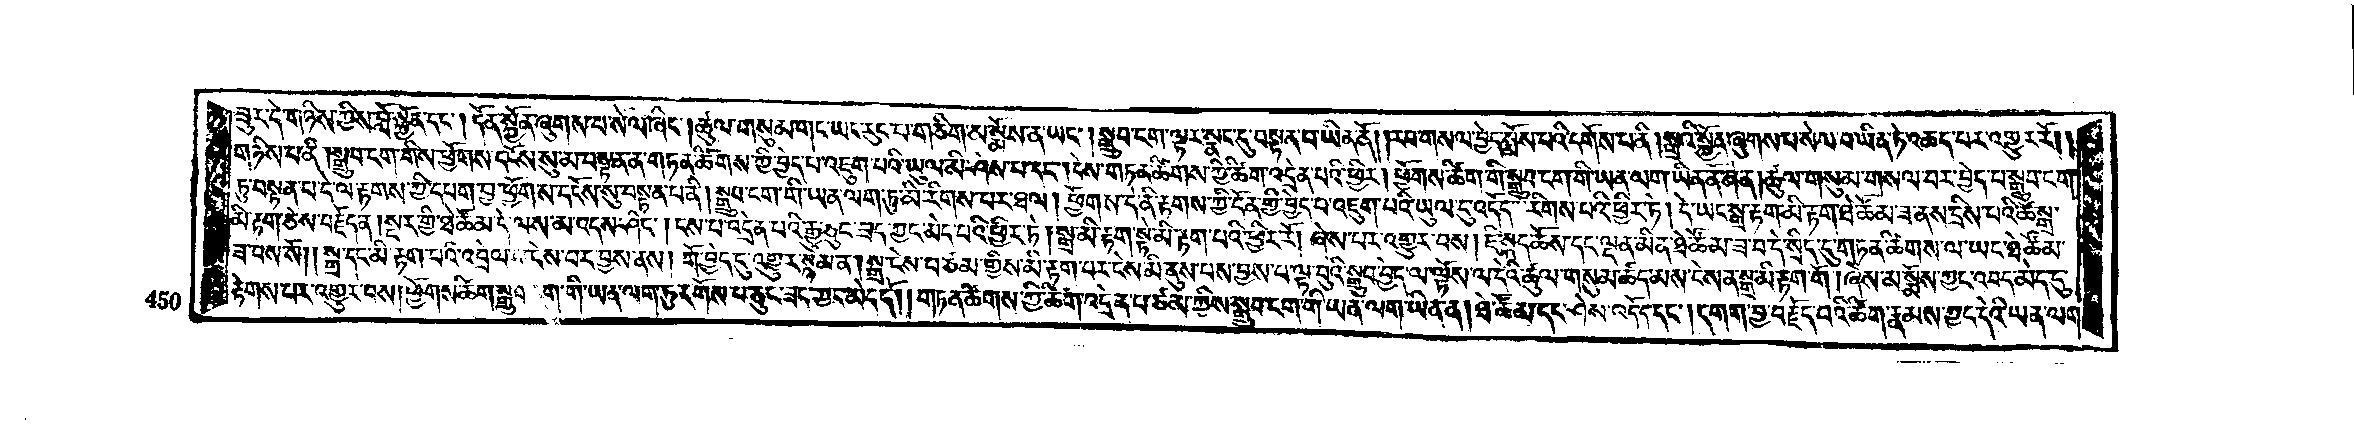ཟུར་དེ་གཉིས་ཀྱིས་བློ་སྐྱོན་དང་། དོན་སྐྱོན་ཞུགས་པ་སོལ་ཞིང་། ཚུལ་གསུམ་གང་ཡང་རུང་པ་གཅིག་མ་སྨོས་ན་ཡང་། སྒྲུབ་ངག་ལྟར་སྣང་དུ་བསྟན་པ་ཡིན་ནོ། །རབ་གསལ་བྱེད་སྨོས་པའི་དགོས་པ་ནི། སྒྲའི་སྐྱོན་ཞུགས་པ་སེལ་བ་ཡིན་ཏེ་འཆད་པར་འགྱུར་རོ། །
གཉིས་པ་ནི། སྒྲུབ་ངག་གིས་ཕྱོགས་དངོས་སུམ་བསྟན་ན་གཏན་ཚིགས་ཀྱི་བྱེད་པ་འཇུག་པའི་ཡུལ་མི་ཤེས་པ་དང་། དེས་གཏན་ཚིགས་ཀྱི་ཚིག་འདྲེན་པའི་ཕྱིར། ཕྱོགས་ཚིག་གི་སྒྲུབ་ངག་གི་ཡན་ལག་ཡིན་ནོ་ཞེ་ན། ཚུལ་གསུམ་གསལ་བར་བྱེད་བསྒྲུབ་ངག་
ཏུ་བསྟན་པ་དེ་ལ་རྟགས་ཀྱི་དཔག་བྱ་ཕྱོགས་དངོས་སུ་བསྟན་པ་ནི། སྒྲུབ་ངག་གི་ཡན་ལག་ཏུ་མི་རིགས་པར་ཐལ། ཕྱོགས་དེ་ནི་རྟགས་ཀྱི་དོན་གི་གྱི་བྱེད་པ་འཇུག་པའི་ཡུལ་དུ་འདོད་རིགས་པའི་ཕྱིར་ཏེ། དེ་ཡང་སྒྲ་རྟག་མི་རྟག་ཐེ་ཚོམ་ཟ་ནས་དྲིས་པའི་ཚེ་སྒྲ་
མི་རྟག་ཅེས་བརྗོད་ན། སྔར་གྱི་ཐེ་ཚོམ་དེ་ལས་མ་འདས་ཤིང་། ངས་པ་འདྲེན་པའི་རྒྱུ་ཅུང་ཟད་ཀྱང་མེད་པའི་ཕྱིར་ཏེ། སྒྲ་མི་རྟག་སྟེ་མི་རྟག་པའི་ཕྱིར་རོ། །ཞེས་པར་འགྱུར་བས། ཇི་སྐད་ཆོས་དང་ལྡན་མིན་ཐེ་ཚོམ་ཟ་བ་དེ་སྲིད་དུ་གཏན་ཚིགས་ལ་ཡང་ཐེ་ཚོམ་
ཟ་བས་སོ། །སྒྲ་དང་མི་རྟག་པའི་འབྲེལ་པ་ངེས་པར་བྱས་ནས། གོ་བྱེད་དུ་འགྱུར་སྙོམ་ན། སྒྲ་ངེས་པ་ཙམ་གྱིས་མི་རྟག་པར་ངེས་མི་ནུས་པས་བྱས་པ་ལྟ་བུའི་སྒྲུབ་བྱེད་ལ་ལྟོས་ལ་དེའི་ཚུལ་གསུམ་ཚད་མས་ངེས་ན་སྒྲ་མི་རྟག་གོ །ཞེས་མ་སྨོས་ཀྱང་འབད་མེད་དུ་
རྟེགས་པར་འགྱུར་བས། ཕྱོགས་ཚིག་སྒྲུབ་ངག་གི་ཡན་ལག་ཏུ་རོགས་པ་ཅུང་ཟད་ཀྱང་མེད་དོ། །གཏན་ཚིགས་ཀྱི་འདྲེན་པ་ཙམ་གྱིས་སྒྲུབ་ངག་གི་ཡན་ལག་ཡིན་ན། ཐེ་ཚོམ་དང་ཤེས་འདོད་དང་། དགག་བྱ་བརྗོད་པའི་ཚིག་རྣམས་ཀྱང་དེའི་ཡན་ལག་